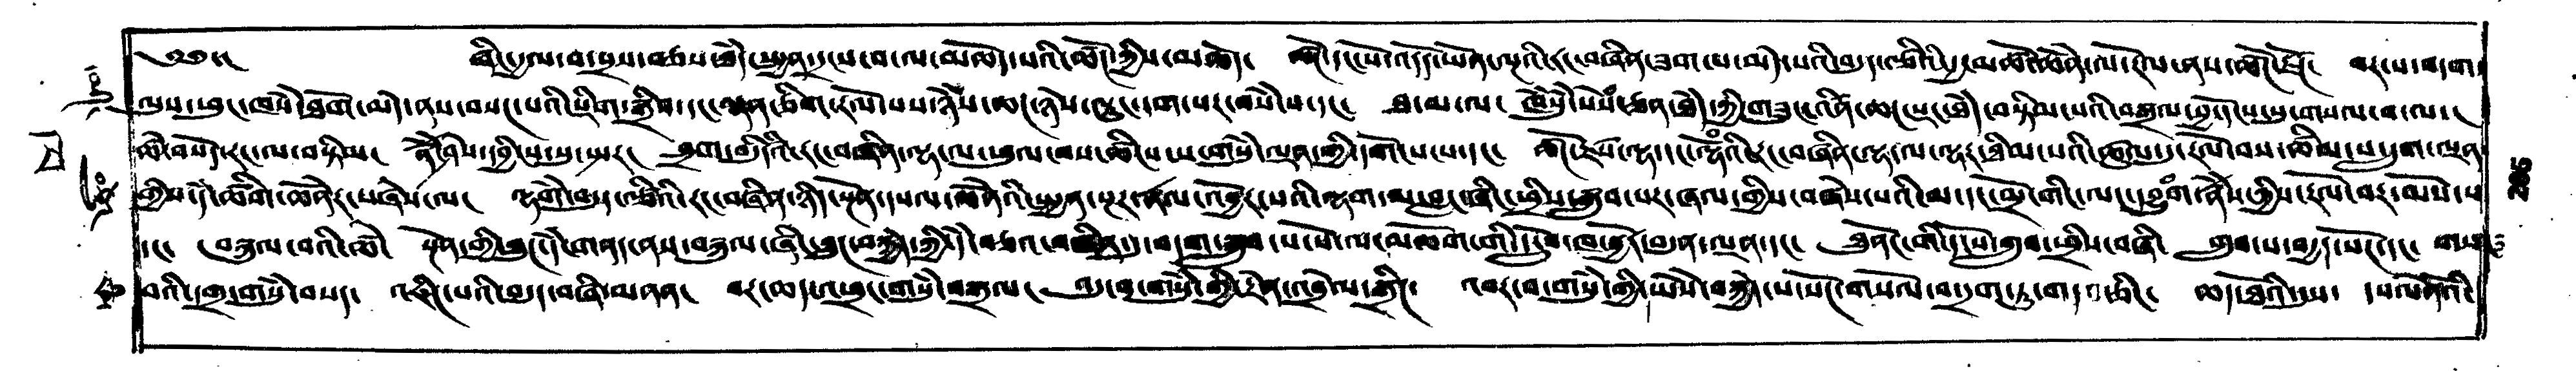ཞིང་རྒྱལ་བ་སྲས་བཅས་ཐམས་ཅད་སྤྱན་དྲངས་བ་ལ་མཆོད་པའི་ཚོགས་ཀྱིས་མཆོད། ཚོགས་དང་པོ་འདོད་ཡོན་ལྔཱི་རང་བཞིན་ཟག་པ་མེད་པའི་བདུད་རྩིའི་རྒྱ་མཚོ་ཆེན་པོ་ལ་རོལ་ནས་ཚོགས་རྫོགས།བར་པ་བདག་
ལུས་ཕུང་ཁམས་ཐོག་མེད་ནས་བསགས་པའི་སྡིག་སྒྲིབ་དང་ལྷན་ཅིག་རོལ་པས་ཉམས་ཆགས་ཉེས་ལྟུང་དག་པར་བསམ་པ་དང་། ཐ་མ་ལ། ཁམས་གསུམ་སེམས་ཅན་ཐམས་ཅད་ཀྱི་གཟུང་འཛིན་ཆགས་སྡང་ཐམས་ཅད་བསྟིམ་པའི་བསྒྲལ་བྱ་དངོས་སུ་གསལ་བ་ལ། 
ཚེ་བསོད་རང་ལ་བསྟིམ། རྣམ་ཤེས་དབྱིངས་སུ་སྤར། ཤ་ཁྲག་བདུད་རྩིའི་རང་བཞིན་ལྷ་ལ་ཕུལ་བས་ཚིམས་པས་ས་གསུམ་ལྡན་གྱི་དགོངས་པ་དང་། ཚོགས་རྫས་ལྷ་དང་ལྷ་མོའི་རང་བཞིན་ལྷ་ལར་ཐིམ་པའི་ཚུལ་དུ་རོལ་བས་ཚིམ་པ་དྲུག་ལྡན་
གྱིས་དེ་ཚིག་ཆེན་པོར་བཞེས་ལ། ལྷ་ཚོགས་བདུད་རྩིའི་རང་བཞིན་ཉིད་སྔོན་དཔལ་ཆེན་པོའི་སྤྱན་སྔར་རྣལ་འབྱོར་པའི་ལྷག་མ་བླང་ཞིང་ཕྲིན་ལས་སྒྲུབ་པར་ཞལ་གྱིས་བཞེས་པའི་མ་དང་མཁའ་འགྲོ་གིང་ལང་དབང་ཕྱུག་རྣམས་ཀྱིས་རོལ་བར་མོས་པ་
དང་། བསྐུལ་བའི་ཚེ། སྔོན་གྱི་ཐུགས་དམ་གནད་ནས་བསྐུལ་ཞིང་ཐུགས་བསྐྱེད་ཀྱི་དམ་བཅའ་བཞིན་དུ་བདག་སྒྲུབ་པ་པོ་ལ་མཆོག་གི་དངོས་གྲུབ་ཁ་སྦྱོར་བདུན་ལྡན་དང་། ཐུན་མོང་གི་དངོས་གྲུབ་ཕྲིན་ལས་བཞི། གྲུབ་པ་བརྒྱད་སོགས་དང་། གསང་
བའི་དགྲ་གསུམ་བསད། འཇིགས་པའི་བདུད་བཞི་མནན། བར་ཆད་ཀྱི་འཕྲང་གསུམ་བསྒྲལ། འདུ་བ་གསུམ་གྱི་རྟེན་འབྲེལ་སྒྲིགས། འབར་བ་གསུམ་གྱི་ཡེ་ཤེས་བསྐྱེད་པ་སོགས་གསོལ་བ་དྲག་ཏུ་གདབ་ཅིང་། ཆད་ཐོའི་དུས། དཔལ་ཆེན་པོའི་